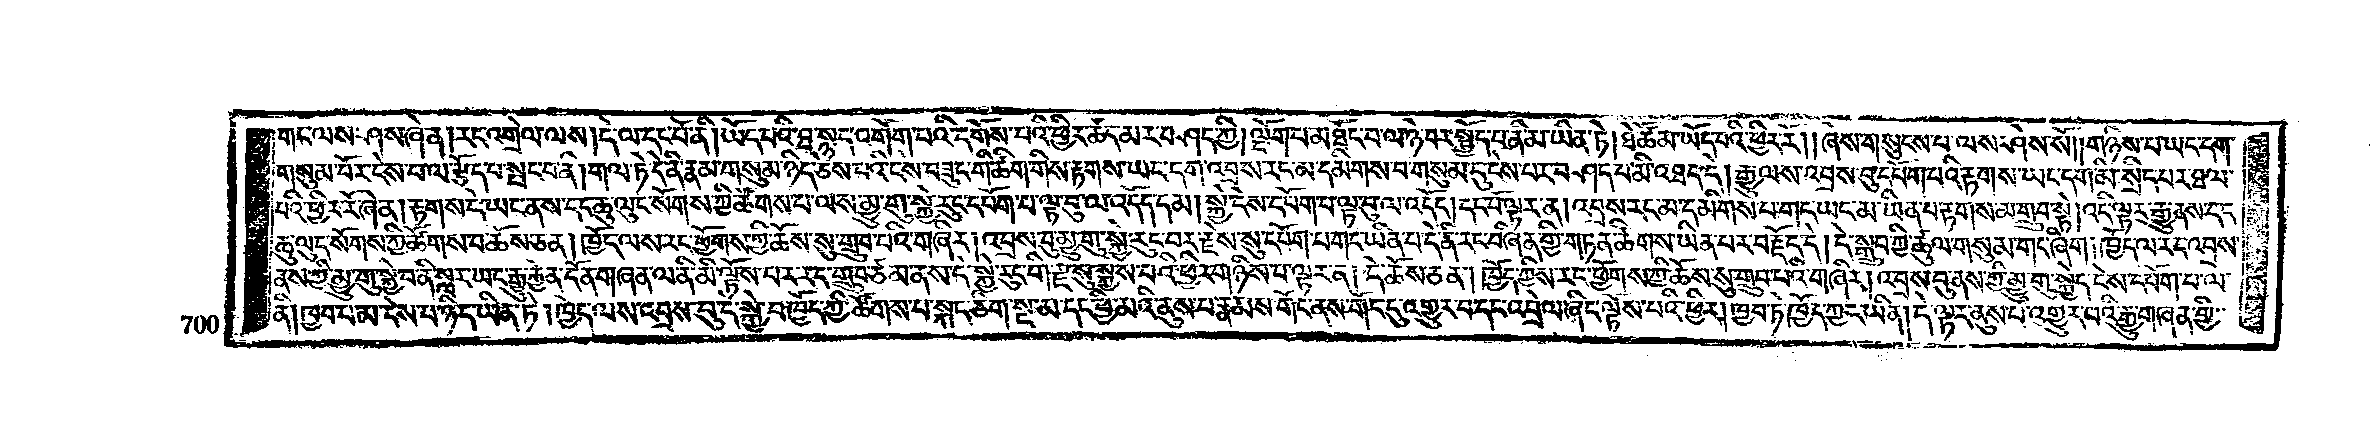གང་ལས་ཤས་ཞེ་ན། རང་འགྲེལ་ལས། དེ་ལ་དང་པོ་ནི། ཡོད་པའི་ཐ་སྙད་འགོག་པའི་དགོས་པའི་ཕྱིར་ཚད་མར་བཤད་ཀྱི། ལྡོག་པ་མཐོང་བ་ལ་ཉེ་བར་སྤྱོད་པ་ནི་མ་ཡིན་ཏེ། ཐེ་ཚོམ་ཡོད་པའི་ཕྱིར་རོ། །ཞེས་གསུངས་པ་ལས་ཤེས་སོ། །གཉིས་པ་ཡང་དག་
གསུམ་པོར་ངེས་པ་ལ་རྩོད་པ་སྤང་པ་ནི། གལ་ཏེ་དེ་ནི་རྣམ་གསུམ་ཉིད་ཅེས་པའི་ངེས་བཟུང་གི་ཚིག་གིས་རྟགས་ཡང་དག་འབྲས་རང་མ་དམིགས་པ་གསུམ་དུ་ངེས་པར་བཤད་པ་མི་འཐད་དེ། རྒྱུ་ལས་འབྲས་བུ་དཔོག་པའི་རྟགས་ཡང་དག་མི་སྲིད་པར་ཐལ་
བའི་ཕྱིར་རོ་ཞེ་ན། རྟགས་དེ་ཡང་ནས་དང་ཆུ་ལུང་སོགས་ཀྱི་ཚོགས་པ་ལས་མྱུ་གུ་སྐྱེ་རུང་དཔོག་པ་ལྟ་བུ་ལ་འདོད་དམ། སྐྱེ་ངེས་དཔོག་པ་ལྟ་བུ་ལ་འདོད། དང་པོ་ལྟར་ན། འབྲས་རང་མ་དམིགས་པ་གང་ཡང་མ་ཡིན་པ་རྟགས་མ་གྲུབ་སྟེ། འདི་ལྟར་རྒྱུ་ནས་དང་
ཆུ་ལུང་སོགས་ཀྱི་ཚོགས་པ་ཆོས་ཅན། ཁྱོད་ལས་རང་ཕྱོགས་ཀཡ་ཆོས་སུ་གྲུབ་པའི་གཞིར། འབྲས་བུ་མྱུ་གུ་སྐྱེ་རུང་བར་རྗེས་སུ་དཔོག་པ་གང་ཡིན་པ་དེ་ནི་རང་བཞིན་གྱི་གཏན་ཚིགས་ཡིན་པར་བརྗོད་དེ། དེ་སྒྲུབ་ཀྱི་ཚུལ་གསུམ་གང་ཞིག། ཁྱོད་ལ་རང་འབྲས་
ནས་ཀྱི་མྱུ་གུ་སྐྱེ་བ་ནི་སླར་ཡང་རྒྱུ་རྐྱེན་དོན་གཞན་ལ་ནི་མི་ལྟོས་པར་རང་གྲུབ་ཙམ་ནས་དེ་སྐྱེ་རུང་གི་རྫས་སུ་སྐྱེས་པའི་ཕྱིར་གཉིས་པ་ལྟར་ན། དེ་ཆོས་ཅན། ཁྱོད་ཀྱིས་རང་ཕྱོགས་ཀྱི་ཆོས་སུ་གྲུབ་པའི་གཞིར། འབྲས་བུ་ནས་ཀྱི་མྱུ་གུ་སྐྱེད་ངེས་དཔོག་པ་ལ་
ནི། ཁྱབ་པ་མ་ངེས་པ་ཉིད་ཡིན་ཏེ། ཁྱེད་ལས་འབྲས་བུ་དེ་སྐྱེ་བ་ཁྱོད་ཀྱི་ཚོགས་པ་སྐད་ཅིག་སྔ་མ་དང་ཕྱི་མའི་ནུས་པ་རྣམས་གོང་དུ་འགྱུར་པ་དྣག་འབྲེལ་ཞིང་ལྟོས་པའི་ཕྱིར། ཁྱབ་ཏེ་ཁྱོད་ཀྱང་ཡིན། དེ་ལྟར་ནུས་པ་འགྱུར་བའི་རྒྱུ་གཞན་གྱི་